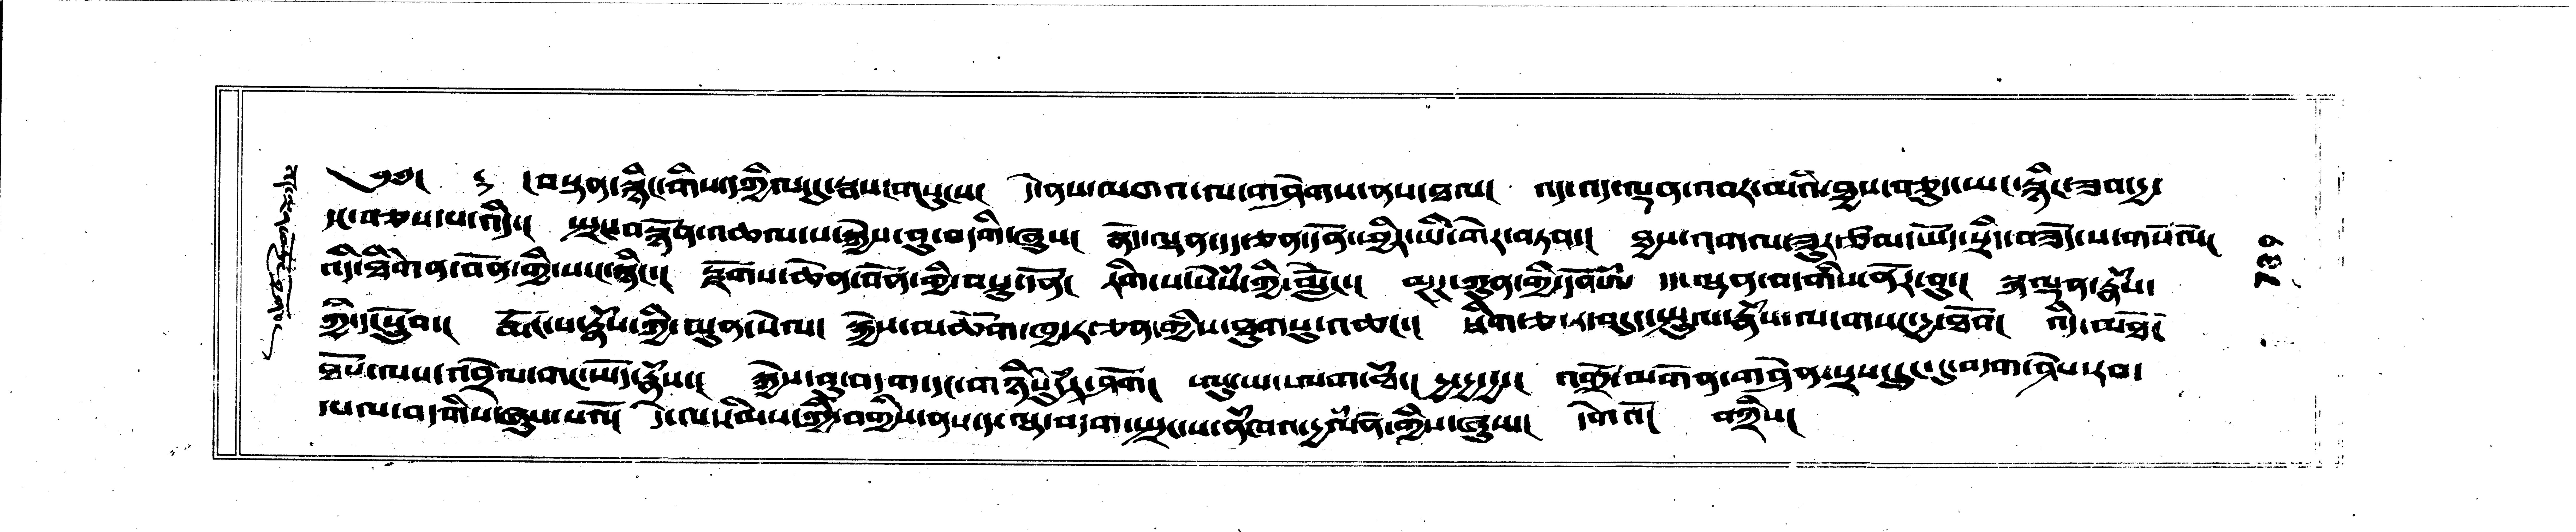བསྟན་སྙིང་གི་དཀྱིལ་དུ་སྦས་གསུངས། །དེ་ནས་མཁའ་ལ་གཤེགས་ནས་ཐལ། འདི་འོད་ལྡན་འབར་མའི་ཐུགས་བཅུད་ཡང་སྙིང་ཟབ་རྒྱ་
དང་བཅས་པ་འདི། སྤྲང་བསྙོན་འཆལ་པ་སྐྱེས་བུ་བདག་གིས་ཞུས། །སྣོད་ལྡན་དད་ཅན་དོན་ཕྱིར་ཡི་གེར་བཏབ། །ཐུགས་འགལ་ཟུར་ཙམ་ཡོད་སྲིད་བཟོད་པར་གསོལ། 
།འདི་ཐེག་ཆེན་བོན་གྱི་ཡང་སྙིང་། རྫོགས་ཆེན་བོན་གྱི་བསྡུས་དོན། རིག་པ་སེམས་ཀྱི་མེ་ལོང་། མན་ངག་ཀུན་གྱི་དོན་དམ། དད་ལྡན་བདག་གི་ནོར་བུ། སྐལ་ལྡན་རྣམས་
ཀྱི་དངོས་གྲུབ། རྨོངས་པ་རྣམས་ཀྱི་མུན་སེལ། སྐྱེས་མཆོག་ཁྱད་པར་ཅན་གྱི་ཐུགས་སུ་ཆོངས། སྡིག་ཅན་བདུད་སྤྲུལ་རྣམས་ལ་གསང་རྒྱ་ཐོབས། འདི་མཐོང་
ཐོས་ལས་འབྲེལ་གང་ཡོད་རྣམས། སྐྱེས་བུ་བདག་དང་གཉིས་སུ་མེད་པར་ཤོག །།ཨུ་ཡ་ཨག་ཐམ། རྒྱ་རྒྱ་རྒྱ འགྲོ་མགོན་གཤེན་སྲས་དྲུང་དུ་བདག་ཤེས་རབ་
དཔལ་བདག་གིས་ཞུས་པའོ། །དེ་ལ་རིམ་གྱིས་བགྱིས་ནས་ད་ལྟ་བདག་སྤྲང་པོ་ནམ་མཁའ་རྒྱལ་མཚན་གྱིས་ཞུས། དགེའོ།། བཀྲ་ཤིས།